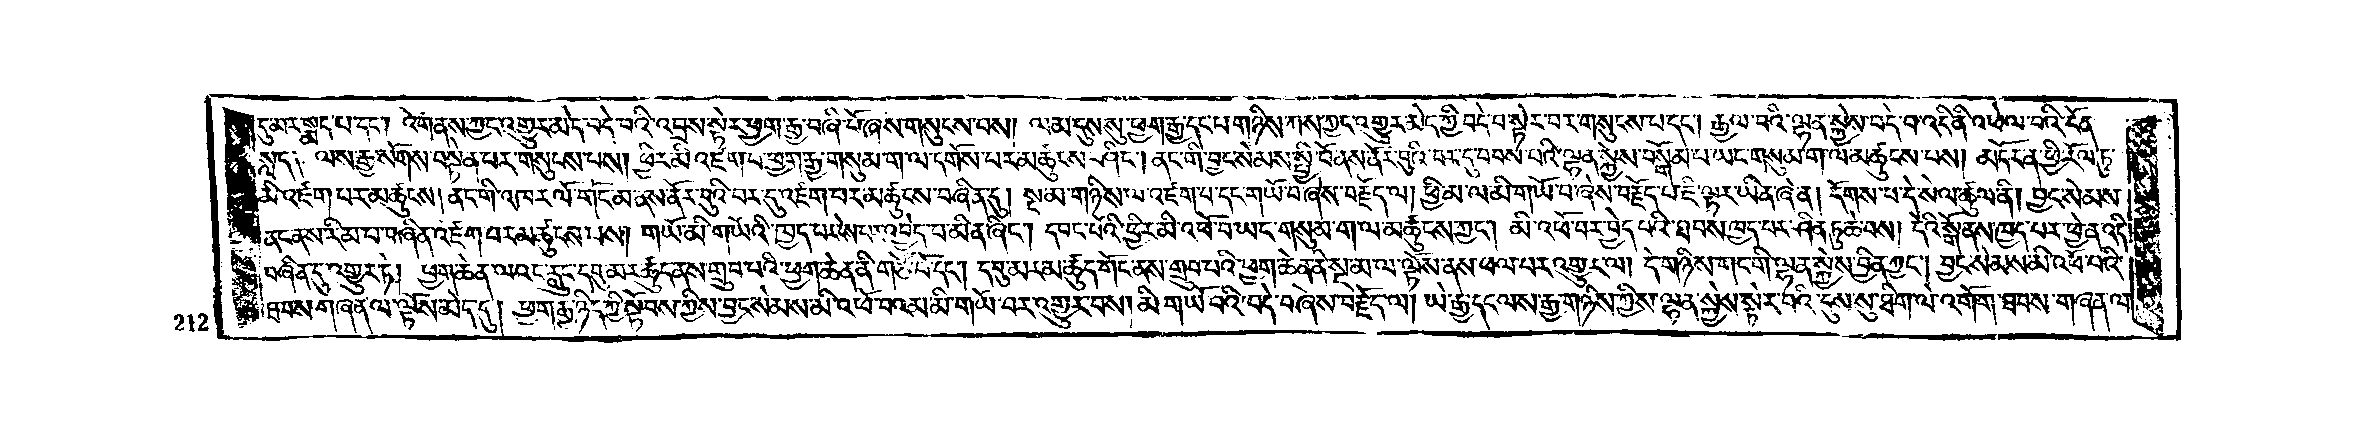དུ་མར་སྨད་པ་དང་། འོག་ནས་ཀྱང་འགྱུར་མེད་བདེ་བའི་འབྲས་སྟེར་ཕྱག་རྒྱ་བཞི་པོ་ཞེས་གསུངས་པས། ལམ་དུས་སུ་ཕྱག་རྒྱ་དང་པོ་གཉིས་ཀས་ཀྱང་འགྱུར་མེད་ཀྱི་བདེ་བ་སྟེར་བར་གསུངས་པ་དང་། རྒྱལ་བའི་ལྷན་སྐྱེས་བདེ་བ་འདི་ནི་འཕེལ་བའི་དོན་
སླད། ལས་རྒྱ་སོགས་བསྟེན་པར་གསུངས་པས། ཕྱིར་མི་འཛག་པ་ཕྱག་རྒྱ་གསུམ་ག་ལ་དགོས་པར་མཚུངས་ཤིང་། ནང་གི་བྱང་སེམས་སྤྱི་བོ་ནས་ནོར་བུའི་བར་དུ་བབས་པའི་ལྷན་སྐྱེས་བསྒོམ་པ་ཡང་གསུམ་ག་ལ་མཚུངས་པས། མདོར་ན་ཕྱི་རོལ་ཏུ་
མི་འཛག་པར་མཚུངས། ནང་གི་འཁར་ལོ་གོང་མ་ནས་ནོར་བུའི་བར་དུ་འཛག་པར་མཚུངས་བཞིན་དུ། སྔ་མ་གཉིས་ལ་འཛག་པ་དང་གཡོ་བ་ཞེས་བརྗོད་ལ། ཕྱི་མ་ལ་མི་གཡོ་བ་ཞེས་བརྗོད་པ་ཇི་ལྟར་ཡིན་ཞེ་ན། དོགས་པ་དེ་སེལ་ཚུལ་ནི། བྱང་སེམས་
ནང་ནས་རིམ་པ་བཞིན་འཛག་པར་མཚུངས་པས། གཡོ་མི་གཡོའི་ཁྱད་པར་ངེས་པར་འབྱེད་པ་མིན་ཞིང་། དབང་པོའི་ཕྱིར་མི་འཕོ་བ་ཡང་གསུམ་ག་ལ་མཚུངས་ཀྱང་། མི་འཕོ་བར་བྱེད་པའི་ཐབས་ཁྱད་པར་ཤིན་ཏུ་ཆེ་བས། དེའི་སྒོ་ནས་ཁྱད་པར་ཕྱེ་ན་འདི་
བཞིན་དུ་འགྱུར་ཏེ། ཕྱག་ཆེན་ལའང་རླུང་དབུ་མར་ཚུད་ནས་གྲུབ་པའི་ཕྱག་ཆེན་ནི་གཙོ་བོ་དང་། དབུ་མར་མ་ཚུད་གོང་ནས་གྲུབ་པའི་ཕྱག་ཆེན་ནི་སྔ་མ་ལ་ལྟོས་ནས་ཕལ་པར་འགྱུར་ལ། དེ་གཉིས་གང་གི་ལྷན་སྐྱེས་བྱིན་ཀྱང་། བྱང་སེམས་མི་འཕོ་བའི་
ཐབས་གཞན་ལ་ལྟོས་མེད་དུ། ཕྱག་རྒྱ་ཉིད་ཀྱི་སྟོབས་ཀྱིས་བྱང་སེམས་མི་འཕོ་བའམ་མི་གཡོ་བར་འགྱུར་བས། མི་གཡོ་བའི་བདེ་བ་ཞེས་བརྗོད་ལ། ཡེ་རྒྱ་དང་ལས་རྒྱ་གཉིས་ཀྱིས་ལྷན་སྐྱེས་སྟེར་བའི་དུས་སུ་ཐིག་ལེ་འགོག་ཐབས་གཞན་ལ་